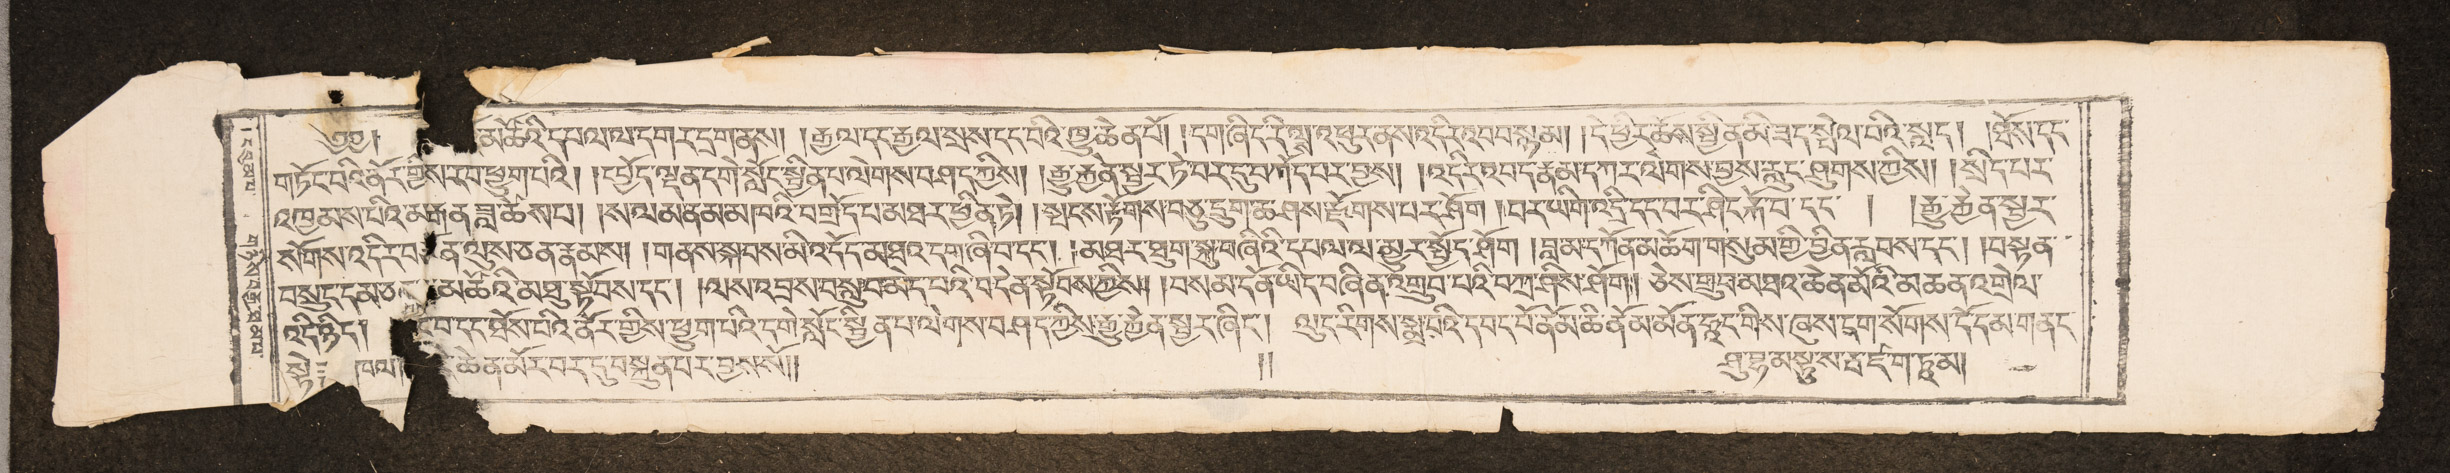༄༅། །འོ་མཚོའི་དཔལ་ལ་དགར་དྲག་ནས། །རྒྱལ་དང་རྒྱལ་སྲས་དང་བའི་ཁྱུ་ཆེན་པོ། །དག་ཞིང་རི་ལྶ་འཕུར་ནས་འདིར་འབབ་སྙམ། །དེ་ཕྱིར་ཆོས་སྦྱིན་མི་ཟད་སྤེལ་བའི་སླད། །ཐོས་དང་
གཏོང་བའི་ནོར་གྱིས་རབ་ཕྱུག་པའི། །དཔྱོད་ལྡན་དགེ་སློང་སྦྱིན་པ་ལེགས་བཤད་ཀྱིས། །རྒྱུ་རྐྱེན་སྦྱར་ཏེ་བར་དུ་བཀོད་པར་བྱས། །འདིར་འབད་རྣམ་དཀར་ལེགས་བྱས་རླུང་ཤུགས་ཀྱིས། །སྲིད་པར་
འཁྱམས་པའི་མ་རྒན་ཟླ་ཚེས་པ། །ས་ལམ་ནམ་མཁའི་འགྲོད་པ་མཐར་ཕྱིན་ཏེ། །སྤངས་རྟོགས་བཅུ་དྲུག་ཆ་ཤས་རྫོགས་པར་ཤོག །པར་ཡིག་འདྲི་དང་ཕར་ཤིང་རྐོ་བ་དང་། །རྒྱུ་རྐྱེན་སྦྱར་
སོགས་འདིར་བརྩོན་ལུས་ཅན་རྣམས། །གནས་སྐབས་མི་འདོད་མཐའ་དག་ཞི་བ་དང་། །མཐར་ཐུག་སྐུ་བཞིའི་དཔལ་ལ་མྱུར་སྤྱོད་ཤོག །བླ་མ་དཀོན་མཆོག་གསུམ་གྱི་བྱིན་རླབས་དང་། །བསྟན་
བསྲུང་དམ་ཅན་རྒྱ་མཚོའི་མཐུ་སྟོབས་དང་། །ལས་འབྲས་བསླུ་བ་མེད་པའི་བདེན་སྟོབས་ཀྱིས། །བསམ་དོན་ཡིད་བཞིན་འགྲུབ་པའི་བཀྲ་ཤིས་ཤོག། ཅེས་གྲུབ་མཐའ་ཆེན་མོའི་མཆན་འགྲེལ་
འདི་ཉིད། གཏོང་བ་དང་ཐོས་པའི་ནོར་གྱིས་སྡུག་པའི་དགེ་སློང་སྦྱིན་པ་ལེགས་བཤད་ཀྱིས་རྒྱུ་རྐྱེན་སྦྱར་ཞིང་། ལུང་རིག་སྨྲ་བའི་དབང་པོ་ནོ་མ་ཆི་ནོམ་མོན་ཆང་གིས་ཞུས་དག་སོགས་དོ་དམ་གནང་
སྟེ༑ ཁལ་ཁ་ཁུ་རེ་ཆེན་མོར་པར་དུ་བསྐྲུན་པར་བྱས་སོ།། །།